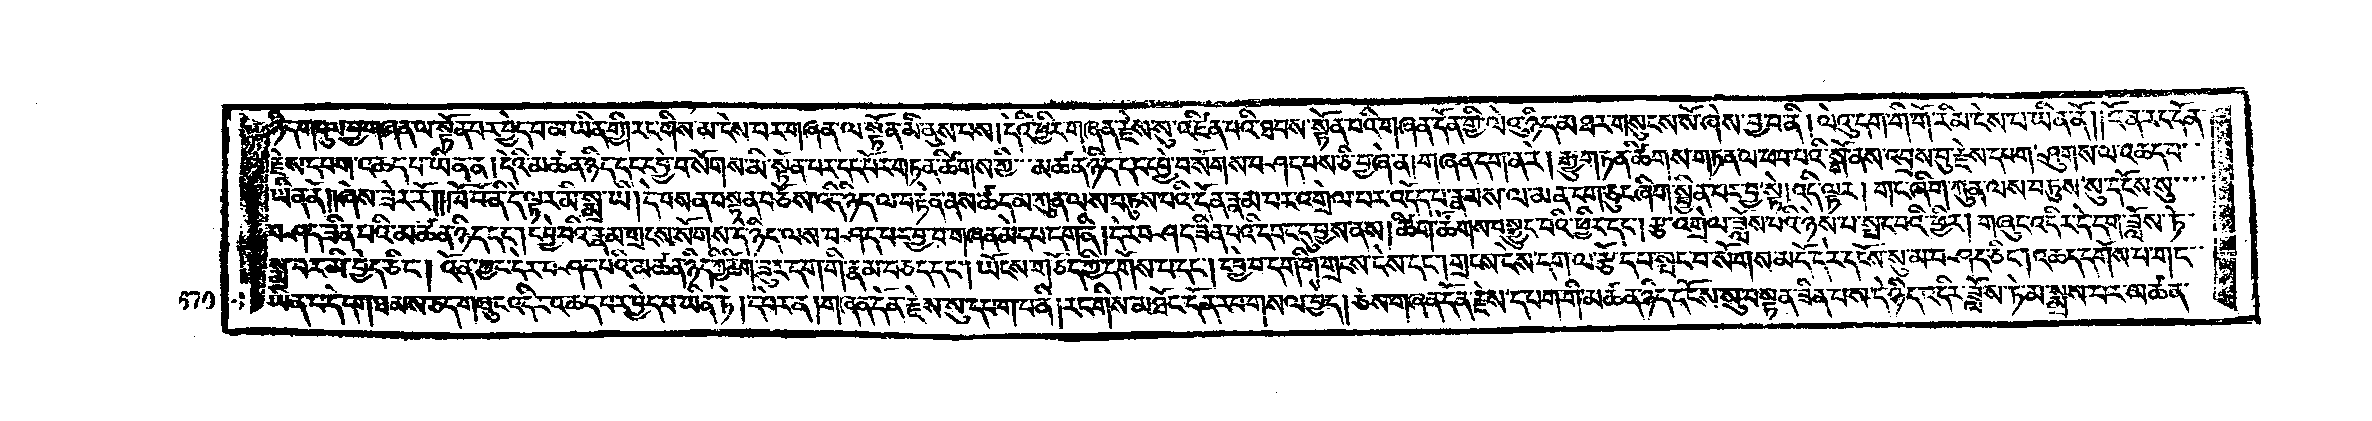ཉིད་གདུལ་བྱ་གཞན་ལ་སྟོན་པར་བྱེད་པ་མ་ཡིན་གྱི། རང་གིས་མ་ངེས་པར་གཞན་ལ་སྟོན་མི་ནུས་པས། དེའི་ཕྱིར་གཞན་རྗེས་སུ་འཛིན་པའི་ཐབས་སྟོན་པའི་གཞན་དོན་གྱི་ལེའུ་ཉིད་མཐར་གསུངས་སོ་ཞེས་བྱ་བ་ནི། ལེའུ་དག་གི་གོ་རིམ་ངེས་པ་ཡིན་ནོ། །འོ་ན་རང་དོན་
རྗེས་དཔག་འཆད་པ་ཡིན་ན། དེའི་མཚན་ཉིད་དང་དབྱེ་བ་སོགས་མི་སྟོན་པར་དང་པོར་གཏན་ཚིགས་ཀྱི་མཚན་ཉིད་དང་དབྱེ་བ་སོགས་བཤད་པས་ཅི་བྱ་ཞེ་ན། གཞན་དག་ན་རེ། རྒྱུ་གཏན་ཚིགས་གཏན་ལ་ཕབ་པའི་སྒོ་ནས་འབྲས་བུ་རྗེས་དཔག་ཤུགས་ལ་འཆད་པ་
ཡིན་ནོ། །ཞེས་ཟེར་རོ། །ཁོ་བོ་ནི་དེ་ལྟར་མི་སྨྲ་ཡི། དེ་བས་ན་བསྟན་བཅོས་འདི་ཉིད་ལ་བརྟེན་ནས་ཚད་མ་ཀུན་ལས་བཏུས་པའི་དོན་རྣམ་པར་འགྲེལ་པར་འདོད་པ་རྣམས་ལ་མན་ངག་ཅུང་ཞིག་སྦྱིན་པར་བྱ་སྟེ། འདི་ལྟར། གང་ཞིག་ཀུན་ལས་བཏུས་སུ་དངོས་སུ་
བཤད་ཟིན་པའི་མཚན་ཉིད་དང་། དབྱེ་བའི་རྣམ་གྲངས་སོགས་དེ་ཉིད་ལས་བཤད་པར་བྱ་བ་གཞན་མེད་པ་དག་ནི། དེར་བཤད་ཟིན་པའི་དབང་དུ་བྱས་ནས། ཚིག་ཚོགས་བསྐྱུང་བའི་ཕྱིར་དང་། རྩ་འགྲེལ་ཟློས་པའི་ཉེས་པ་སྤང་བའི་ཕྱིར། གཞུང་འདིར་དེ་དག་ཟློས་ཏེ་
སྨྲ་བར་མི་བྱེད་ཅིང་། འོན་ཀྱང་དེར་བཤད་པའི་མཚན་ཉིད་ཀྱི་ཚིག་ཟུར་དག་གི་རྣམ་བཅད་དང་། ཡོངས་གཅོད་ཀྱི་དགོས་པ་དང་། དབྱེ་བ་དག་གི་གྲངས་ངེས་དང་། གྲངས་ངེས་དག་ལ་རྩོད་པ་སྤང་བ་སོགས་མདོ་དེར་དངོས་སུ་མ་བཤད་ཅིང་། འཆད་དགོས་པ་གང་
ཡིན་པ་དེ་དག་ཐམས་ཅད་གཞུང་འདིར་འཆད་པར་བྱེད་པ་ཡིན་ཏེ། དཔེར་ན། གཞན་དོན་རྗེས་སུ་དཔག་པ་ནི། རང་གིས་མཐོང་དོན་རབ་གསལ་བྱེད། ཅེས་གཞན་དོན་རྗེས་དཔག་གི་མཚན་ཉིད་དངོས་སུ་བསྟན་ཟིན་པས་དེ་ཉིད་འདིར་ཟློས་ཏེ་མ་སྨྲས་པར་མཚན་